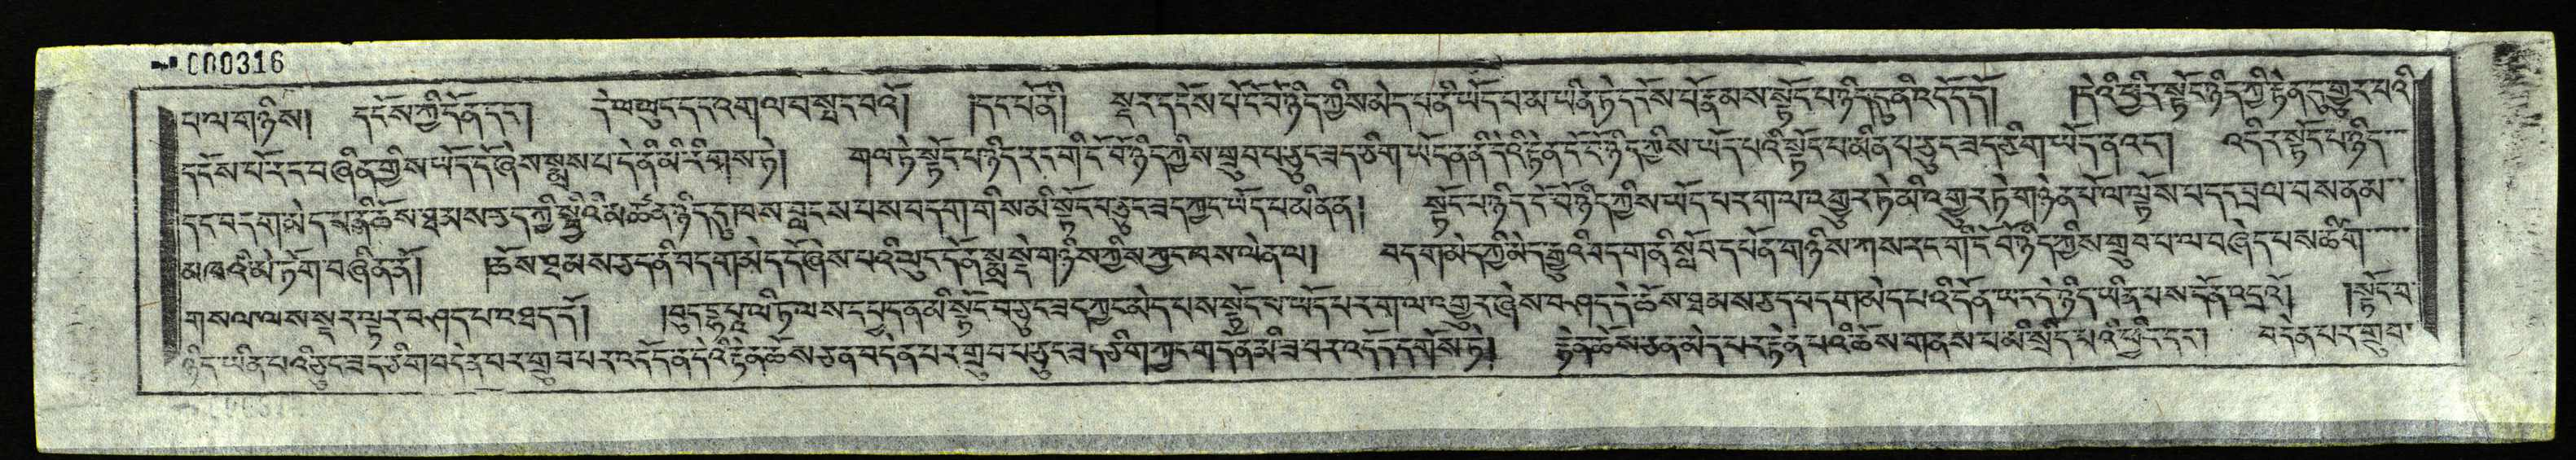པ་ལ་གཉིས། དངོས་ཀྱི་དོན་དང་། དེ་ལ་ལུང་དང་འགལ་བ་སྤང་བའོ། །དང་པོ་ནི། སྔར་དངོས་པོ་ངོ་བོ་ཉིད་ཀྱིས་མེད་པ་ནི་ཡོད་པ་མ་ཡིན་ཏེ་དངོས་པོ་རྣམས་སྟོང་པ་ཉིད་དུ་ནི་འདོད་དོ། །དེའི་ཕྱིར་སྟོང་ཉིད་ཀྱི་རྟེན་དུ་གྱུར་པའི་
དངོས་པོ་རང་བཞིན་གྱིས་ཡོད་དོ་ཞེས་སྨྲས་པ་དེ་ནི་མི་རིགས་ཏེ། གལ་ཏེ་སྟོང་པ་ཉིད་རང་གི་ངོ་བོ་ཉིད་ཀྱིས་གྲུབ་པ་ཅུང་ཟད་ཅིག་ཡོད་ན་ནི་དེའི་རྟེན་ངོ་བོ་ཉིད་ཀྱིས་ཡོད་པའི་སྟོང་པ་མིན་པ་ཅུང་ཟད་ཅིག་ཡོད་ནའང་། འདིར་སྟོང་པ་ཉིད་
དང་བདག་མེད་པ་ནི་ཆོས་ཐམས་ཅད་ཀྱི་སྤྱིའི་མཚན་ཉིད་དུ་ཁས་བླངས་པས་བདག་གིས་མི་སྟོང་པ་ཅུང་ཟད་ཀྱང་ཡོད་པ་མིན་ན། སྟོང་པ་ཉིད་ངོ་བོ་ཉིད་ཀྱིས་ཡོད་པར་ག་ལ་འགྱུར་ཏེ་མི་འགྱུར་ཏེ་གཉེན་པོ་ལ་ལྟོས་པ་དང་བྲལ་བས་ནམ་
མཁའི་མེ་ཏོག་བཞིན་ནོ། །ཆོས་ཐམས་ཅད་ནི་བདག་མེད་དོ་ཞེས་པའི་ལུང་དོན་སྨྲ་སྡེ་གཉིས་ཀྱིས་ཀྱང་ཁས་ལེན་ལ། བདག་མེད་ཀྱི་མེད་རྒྱུའི་བདག་ནི་སློབ་དཔོན་གཉིས་ཀས་རང་གི་ངོ་བོ་ཉིད་ཀྱིས་གྲུབ་པ་ལ་བཞེད་པས་ཚིག་
གསལ་ལས་སྔར་ལྟར་བཤད་པ་འཐད་དོ། །བུད་དྷ་པཱ་ལི་ཏ་ལས་དཔྱད་ན་མི་སྟོང་པ་ཅུང་ཟད་ཀྱང་མེད་པས་སྟོང་པ་ཡོད་པར་ག་ལ་འགྱུར་ཞེས་བཤད་དེ་ཆོས་ཐམས་ཅད་བདག་མེད་པའི་དོན་ཡང་དེ་ཉིད་ཡིན་པས་དོན་འདྲའོ། །སྟོང་བ་
ཉིད་ཡིན་པའི་ཅུང་ཟད་ཅིག་བདེན་པར་གྲུབ་པར་འདོད་ན་དེའི་རྟེན་ཆོས་ཅན་བདེན་པར་གྲུབ་པ་ཅུང་ཟད་ཅིག་ཀྱང་གདོན་མི་ཟ་བར་འདོད་དགོས་ཏེ། རྟེན་ཆོས་ཅན་མེད་པར་རྟེན་པའི་ཆོས་གནས་པ་མི་སྲིད་པའི་ཕྱིར་དང་། བདེན་པར་གྲུབ་